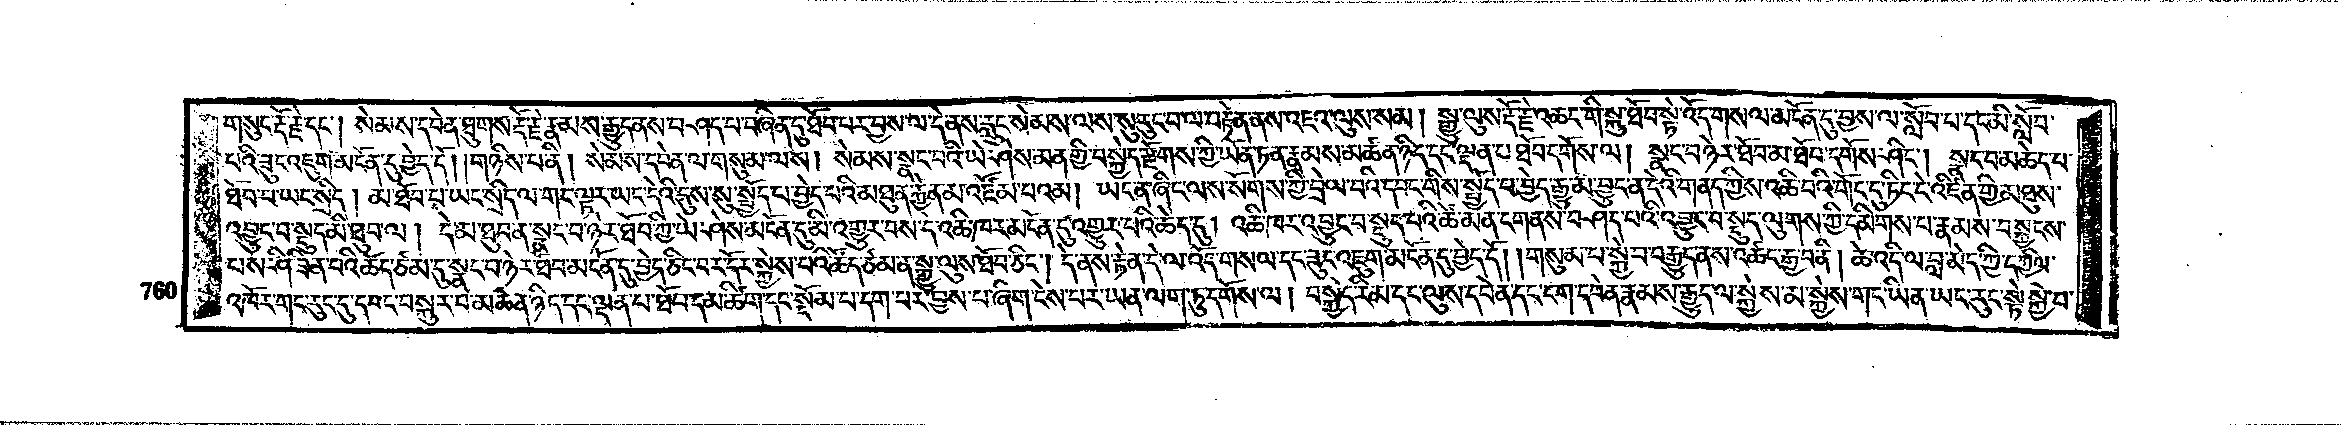གསུང་རྡོ་རྗེ་དང་། སེམས་དབེན་ཐུགས་རྡོ་རྗེ་རྣམས་རྒྱུད་ནས་བཤད་པ་བཞིན་དུ་ཐོབ་པར་བྱས་ལ་དེ་ནས་རླུང་སེམས་ལས་སུ་རུང་བ་ལ་བརྟེན་ནས་འཇའ་ལུས་སམ། སྒྱུ་ལུས་རྡོ་རྗེ་འཆང་གི་སྐུ་ཐོབ་སྟེ་འོད་གསལ་མངོན་དུ་བྱས་ལ་སློབ་པ་དང་མི་སློབ་
པའི་ཟུང་འཇུག་མངོན་དུ་བྱེད་དོ། །གཉིས་པ་ནི། སེམས་དབེན་ལ་གསུམ་ལས། སེམས་སྣང་བའི་ཡེ་ཤེས་མན་གྱི་བསྐྱེད་རྫོགས་ཀྱི་ཡོན་ཏན་རྣམས་མཚན་ཉིད་དང་ལྡན་པ་ཐོབ་དགོས་ལ། སྣང་བ་ཉེར་ཐོབ་མ་ཐོབ་དགོས་ཤིང་། སྣང་བ་མཆེད་པ་
ཐོབ་པ་ཡང་སྲིད། མ་ཐོབ་པ་ཡང་སྲིད་ལ་གང་ལྟར་ཡང་དེའི་དུས་སུ་སྤྱོད་པ་བྱེད་པའི་མཐུན་རྐྱེན་མ་འཛེམ་པའམ། ཡང་ན་ཞིང་ལས་སོགས་ཀྱི་བྲེལ་བའི་དབང་གིས་སྤྱོད་པ་བྱེད་རྒྱུ་མ་བྱུང་ན་དེའི་གནད་ཀྱིས་འཆི་བའི་གོང་དུ་ཏིང་ངེ་འཛིན་གྱི་མཐུས་
འབྱུང་བ་སྡུད་མི་ཐུབ་ལ། དེ་མ་ཐུབ་ན་སྣང་བ་ཉེར་ཐོབ་ཀྱི་ཡེ་ཤེས་མངོན་དུ་མི་འགྱུར་བས་དེ་འཆི་ཁར་མངོན་དུ་འགྱུར་པའི་ཆེད་དུ། འཆི་ཁར་འབྱུང་བ་སྡུད་པའི་ཚེ་མན་ངག་ནས་བཤད་པའི་འབྱུང་བ་སྡུད་ལུགས་ཀྱི་དམིགས་པ་རྣམས་བསྐྱངས་
པས་ཤི་ཟིན་པའི་ཆོད་ཙམ་དུ་སྣང་བ་ཉེར་ཐོབ་མངོན་དུ་བྱེད་ཅིང་བར་དོར་སྐྱེས་པའི་ཚོད་ཙམ་ན་སྒྱུ་ལུས་ཐོབ་ཅིང་། དེ་ནས་རྟེན་དེ་ལ་འོད་གསལ་དང་ཟུང་འཇུག་མངོན་དུ་བྱེད་དོ། །གསུམ་པ་སྐྱེ་བ་བརྒྱུད་ནས་འཚང་རྒྱ་བ་ནི། ཚེ་འདི་ལ་བླ་མེད་ཀྱི་དཀྱིལ་
འཁོར་གང་རུང་དུ་དབང་བསྐུར་བ་མཚན་ཉིད་དང་ལྡན་པ་ཐོབ་དམ་ཚིག་དང་སྡོམ་པ་དག་པར་བྱས་པ་ཞིག་ངེས་པར་ཡན་ལག་ཏུ་དགོས་ལ། བསྐྱེད་རིམ་དང་ལུས་དབེན་དང་ངག་དབེན་རྣམས་རྒྱུད་ལ་སྐྱེས་མ་སྐྱེས་གང་ཡིན་ཡང་རུང་སྟེ་སྐྱེ་པ་